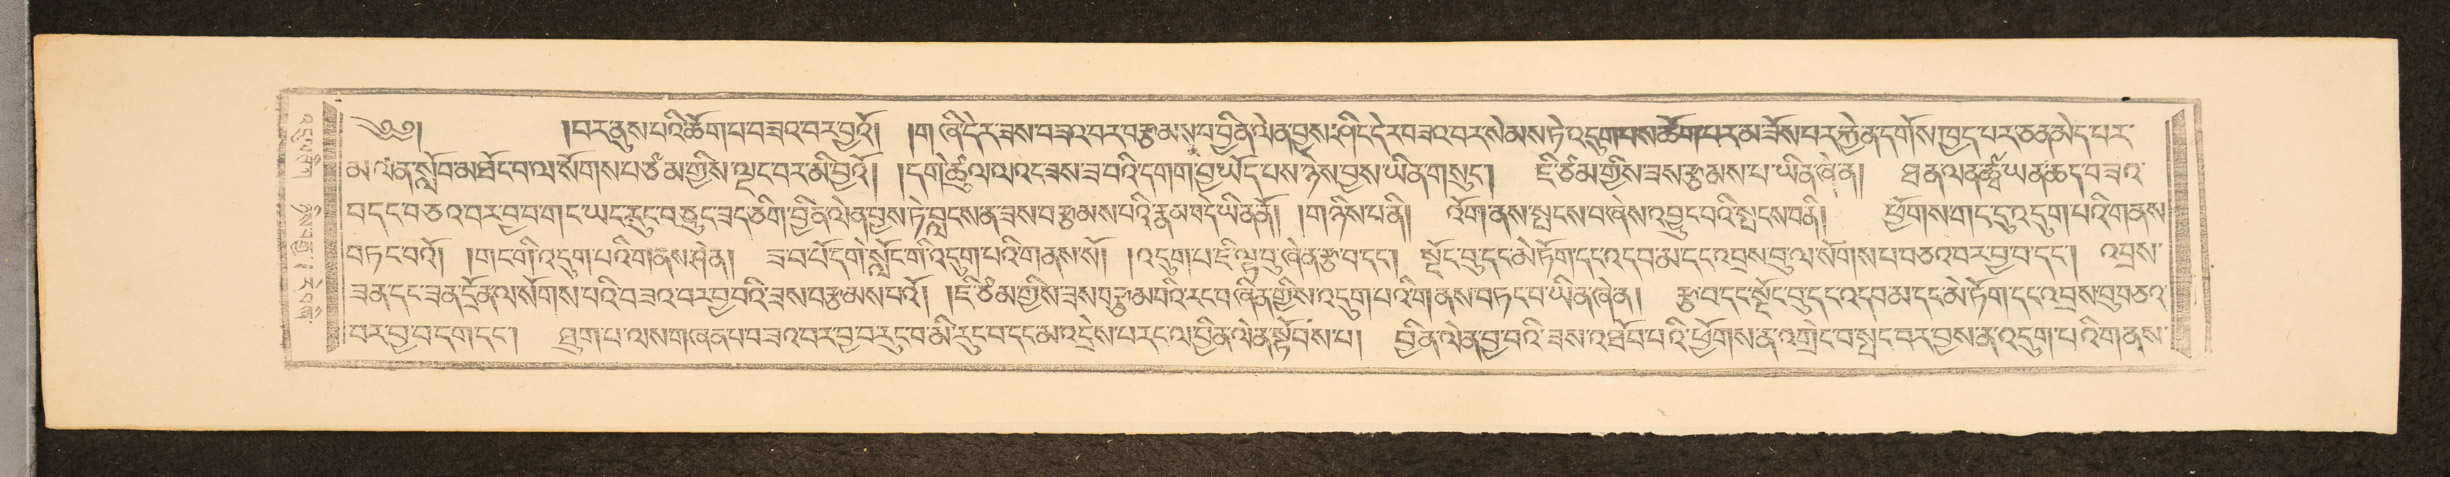༄༅། །བར་ནུས་པའི་ཆོ་ག་པ་བཟའ་བར་བྱའོ། །གཞི་དེར་ཟས་བཟའ་བར་བརྩམས་པ་བྱིན་ལེན་བྱས་ཤིང་དེར་བཟའ་བར་སེམས་ཏེ་འདུག་པས་ཆོག་པར་མ་ཟོས་པར་རྐྱེན་དགོས་ཁྱད་པར་ཅན་མེད་པར་
མཁན་སློབ་མཐོང་བ་ལ་སོགས་པ་ཙམ་གྱིས་ལྡང་བར་མི་བྱའོ། །དགེ་ཚུལ་ལའང་ཟས་ཟ་བའི་དགག་བྱ་ཡོད་པས་ཉེས་བྱས་ཡིན་གསུང་། ཇི་ཙམ་གྱིས་ཟས་རྩམས་པ་ཡིན་ཞེ་ན། ཐ་ན་ལན་ཚྭ་ཡན་ཆད་བཟའ་
བ་དང་བཅའ་བར་བྱ་བ་གང་ཡང་རུང་བཅུད་ཟད་ཅིག་བྱིན་ལེན་བྱས་ཏེ་བླངས་ན་ཟས་བརྩམས་པའི་རྣམ་པ་དེ་ཡིན་ནོ། །གཉིས་པ་ནི། འོག་ནས་སྤངས་པ་ཞེས་འབྱུང་བའི་སྤངས་པ་ནི། ཕྱོགས་གང་དུ་འདུག་པའི་གནས་
བཏང་བའོ། །གང་གི་འདུག་པའི་གནས་ཤེན། ཟ་བ་པོ་དགེ་སློང་གི་འདུག་པའི་གནས་སོ། །འདུག་པ་ཇི་ལྟ་བུ་ཞེ་ན་རྩ་བ་དང་། སྡོང་བུ་དང་མེ་ཏོག་དང་འདབ་མ་དང་འབྲས་བུ་ལ་སོགས་པ་བཅའ་བར་བྱ་བ་དང་། འབྲས་
ཟན་དང་ཟན་དྲོན་ལ་སོགས་པའི་བཟའ་བར་བྱ་བའི་ཟས་བརྩམས་པའོ། །ཇི་ཙམ་གྱིས་ཟས་བརྩམ་པའི་རང་བཞིན་གྱིས་འདུག་པའི་གནས་བཏང་བ་ཡིན་ཞེ་ན། རྩ་བ་དད་སྡོང་བུ་དང་འདབ་མ་དང་མེ་ཏོག་དང་འབྲས་བུ་བཅའ་
བར་བྱ་བ་དག་དང་། ཐུག་པ་ལས་གཞན་པ་བཟའ་བར་བྱ་བ་རུང་བ་མི་རུང་བ་དང་མ་འདྲེས་པ་རང་ལ་བྱིན་ལེན་སྟོབས་པ། བྱིན་ལེན་བྱ་བའི་ཟས་འཐོབ་པའི་ཕྱོགས་ན་འགྲེང་བ་སྡང་བར་བྱས་ན་འདུག་པའི་གནས་